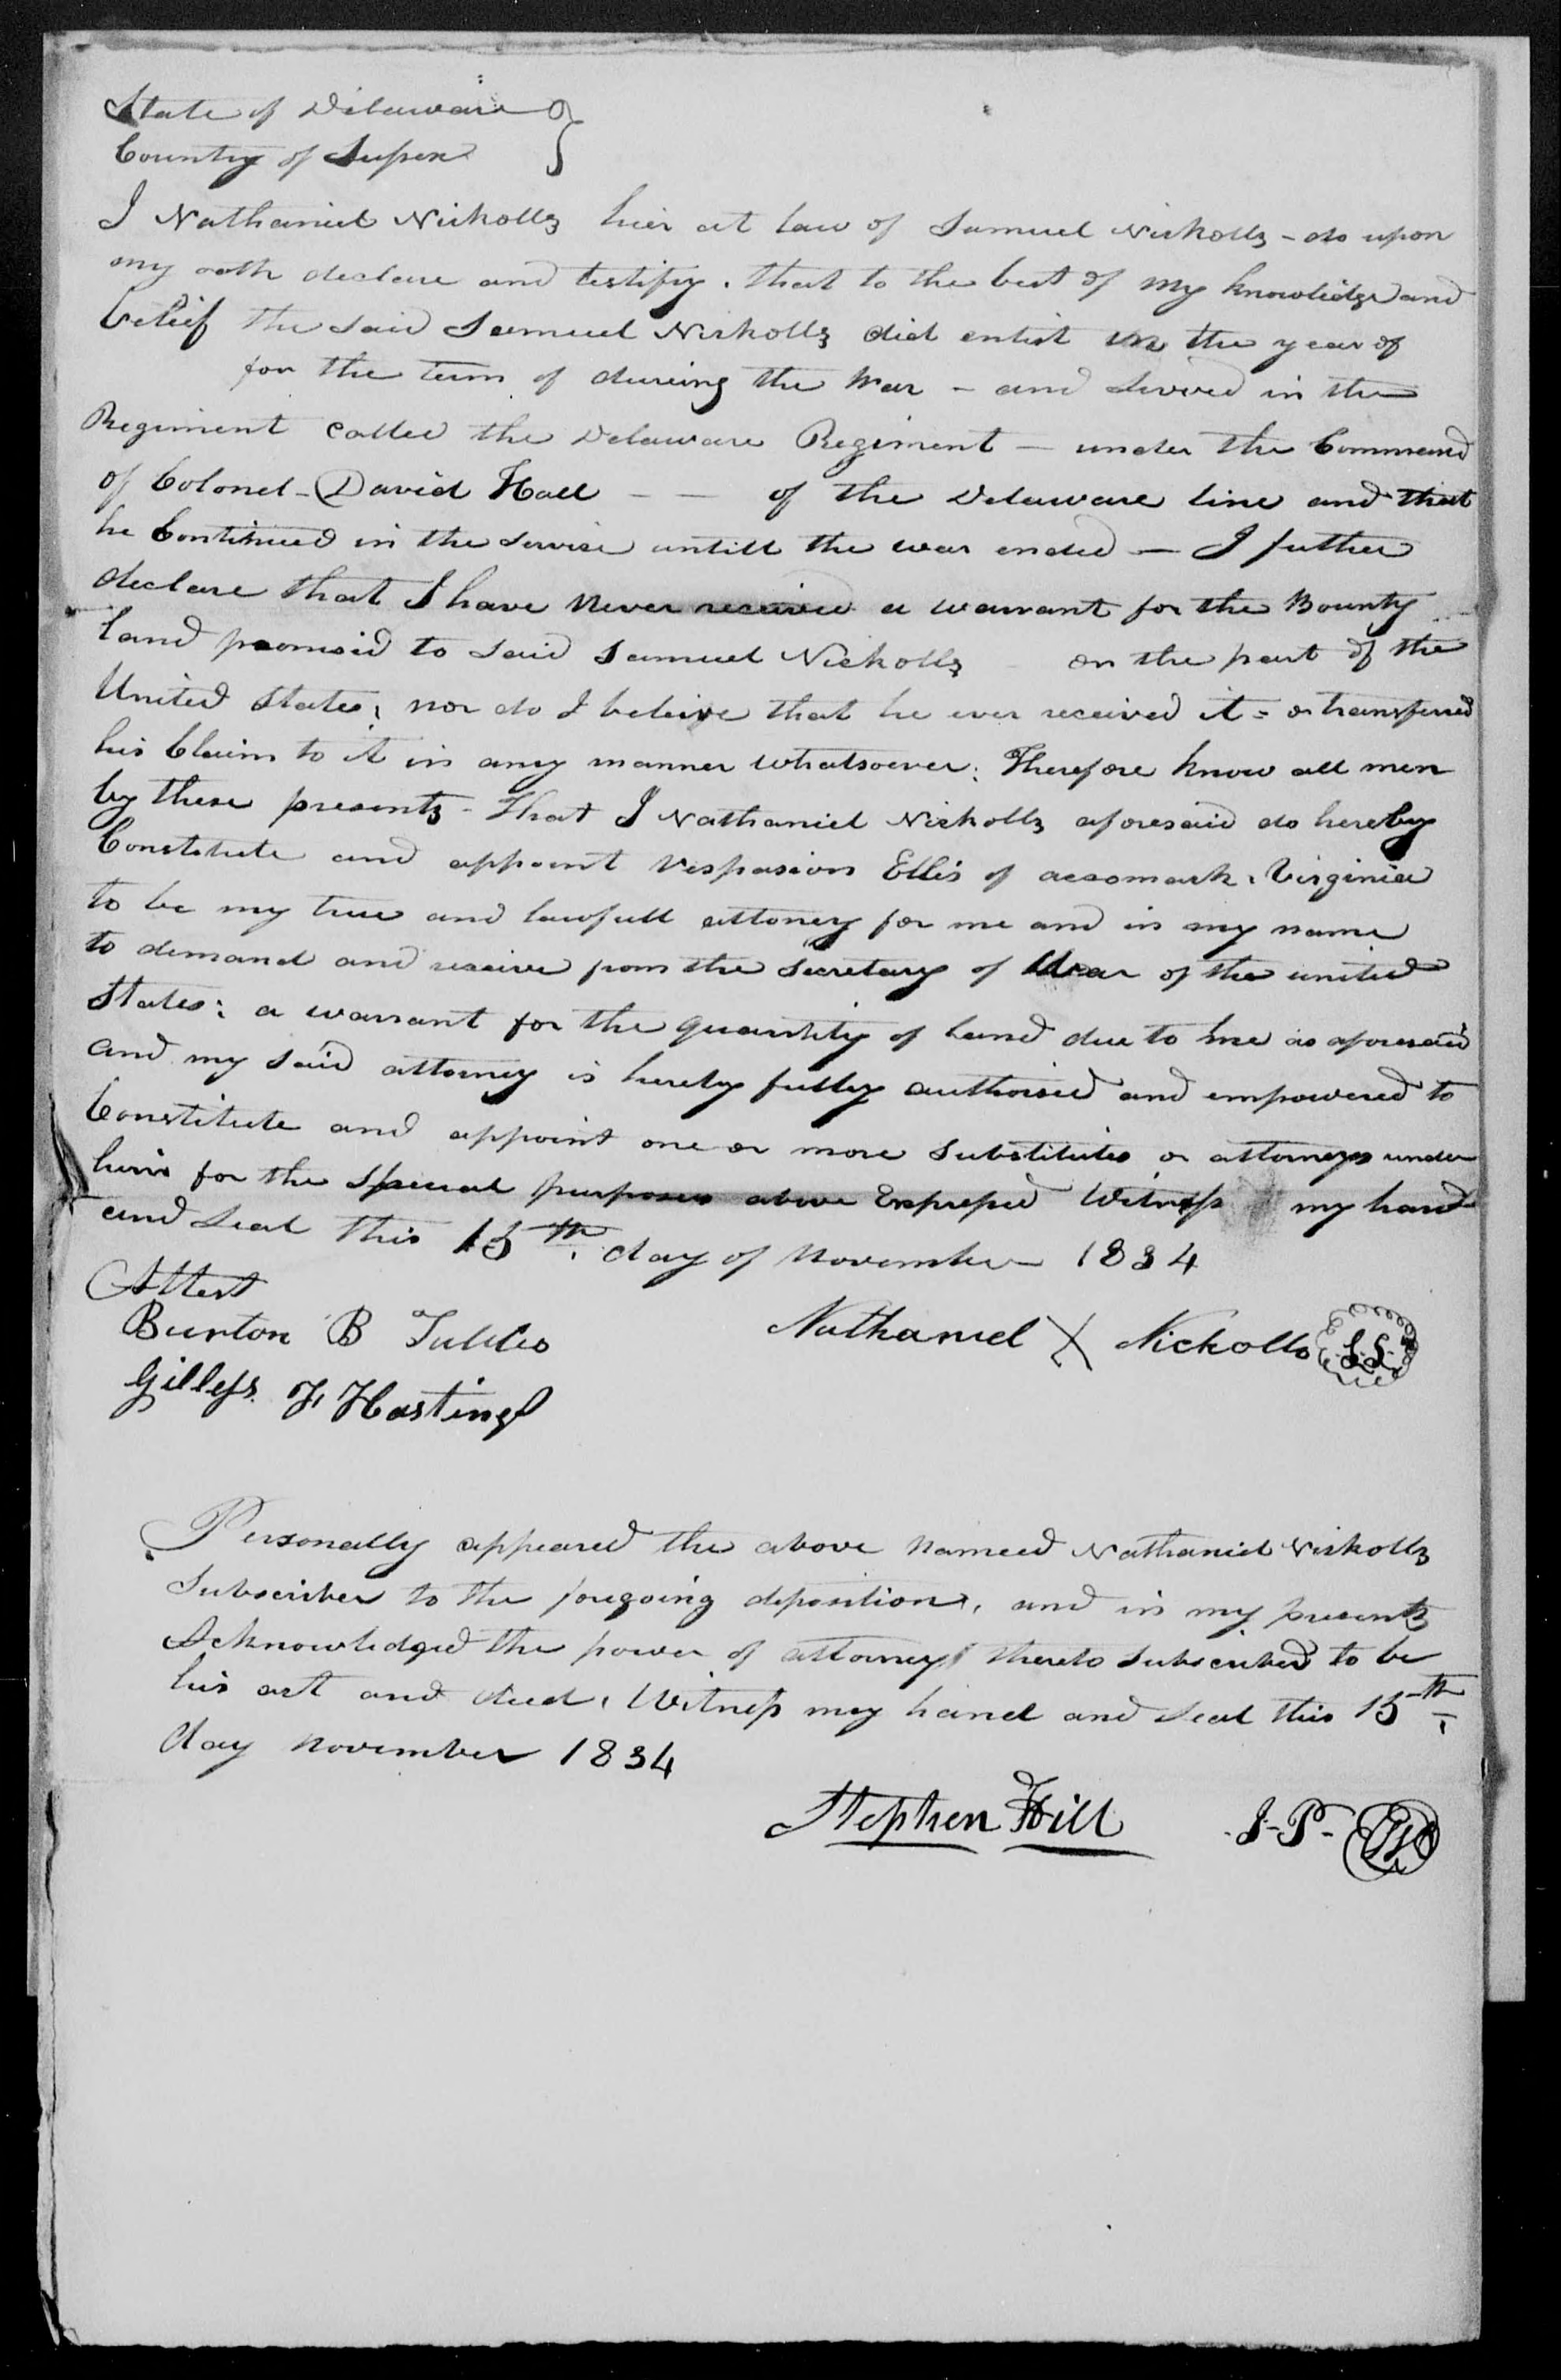[handwritten]

State of Delaware} 
County of Sussex}
I Nathaniel Nicholls heir at law of Samuel Nicholls-- do upon
my oath declare and testify, that to the best of my knowledge and
belief the said Samuel Nicholls did enlist in the year of [blank]
for the term of during the war and served in the
Regiment called the Delaware Regiment, under the command
of Colonel David Hall of the Delaware line and that
he continued in the service untill [sic] the war ended. I further
declare that I have never received a warrant for the County
land promised to said Samuel Nicholls
on the part of the
United States; nor do I believe that he ever received it; or transferred
his claim to it in any manner whatsoever: Therefore know all men
by these presents That I Nathaniel Nicholls aforesaid do hereby
Constitute and appoint Vespasian Ellis of Accomack, Virginia
to be my true and lawfull [sic] attorney for me and in my name
to demand and receive from the Secretary of War of the United States
a warrant for the quantity of land due to me as aforesaid
and my said attorney is hereby fully authorised [sic] and empowered to 
Constitute and appoint one or more substitutes or attorneys under
him for the special purposes above Expressed witness my hand
and seal this 15th day of November 1834
Attest
Burton B Tubbs
Gilles F Hastings
Nathaniel X Nicholls L.S. [hand circled]

Personally appeared the above named Nathaniel Nicholls
Subscriber to the foregoing deposition, and in my presents
Acknowledged the power of attorney thereto subscribed to be
his act and deed. Witness my hand and seal this 15th
day November 1834
Stephen Hill J. P.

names: Burton B Tubbs; Gilless F Hastings; Stephen Hill; David Hall; Samuel Nickolls; Nathaniel Nickolls; Vespasion Ellis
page: 6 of 7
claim: bounty land warrant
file: B. L. Wt. 2078-100, for Samuel Nickolls, Delaware